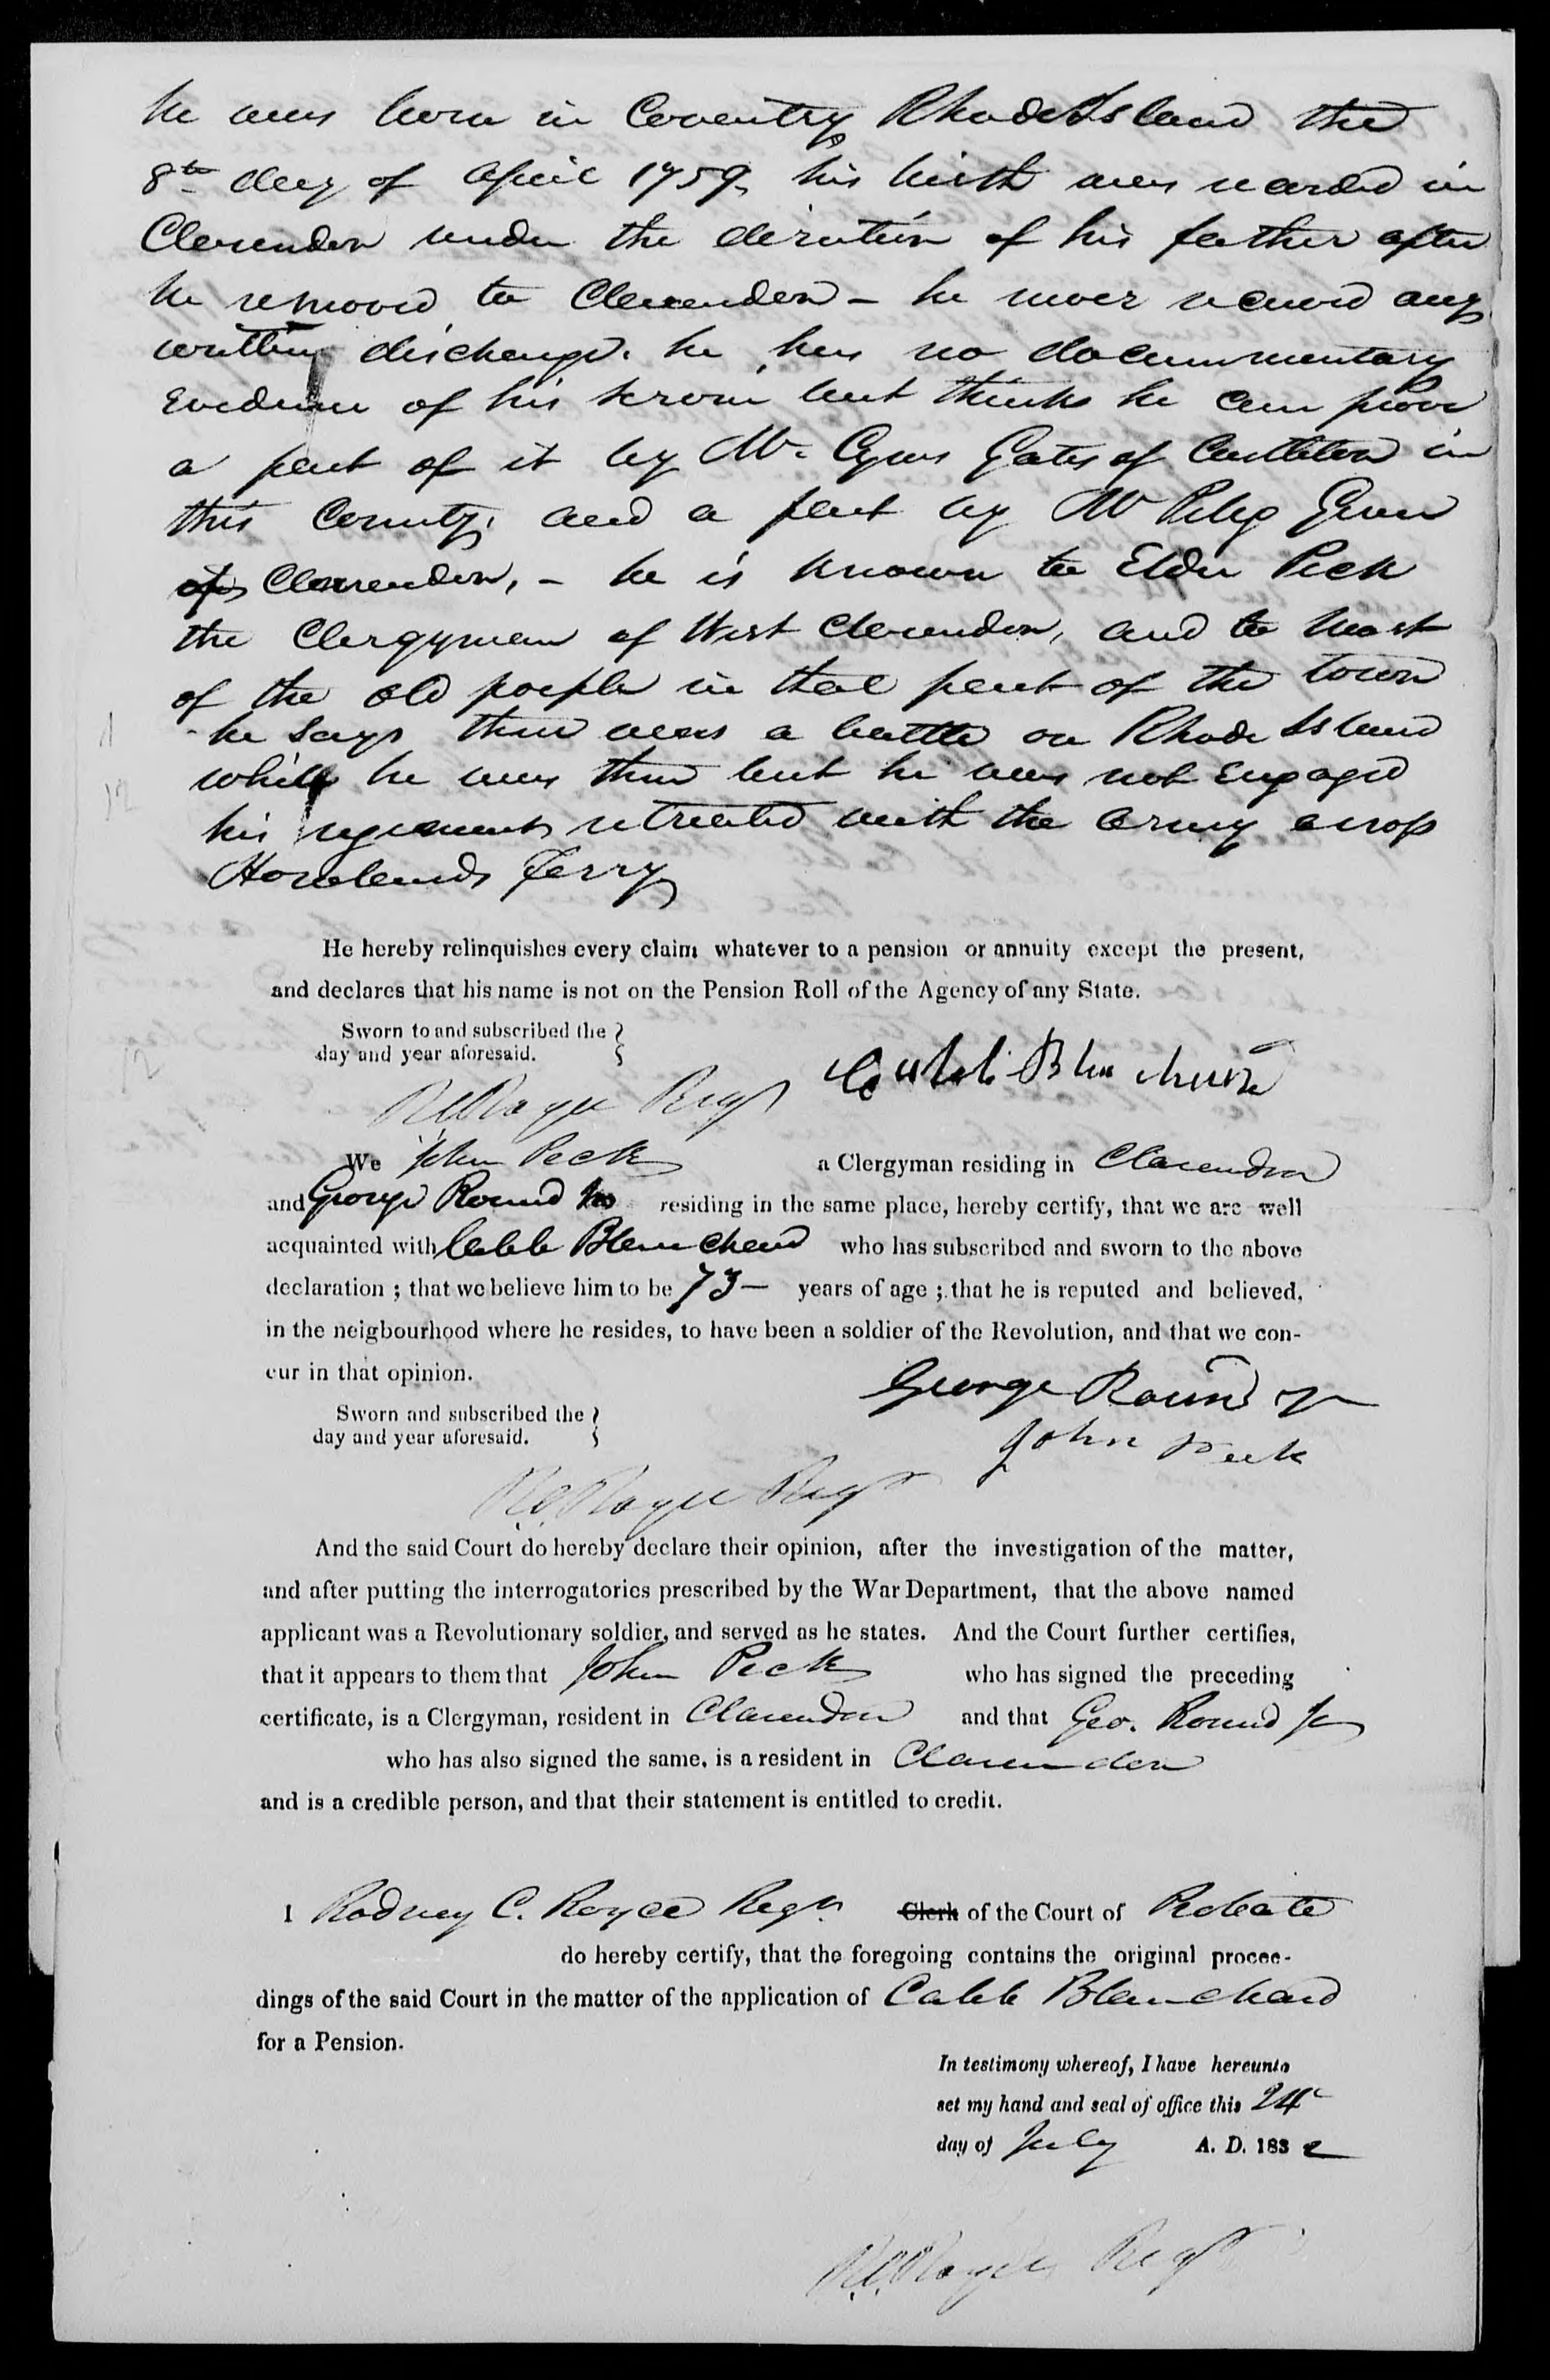he was born in Coventry Rhode island the 8th day of April 1759 his birth are recorded in Clarendon under the direction of his father after he removed to Clarendon - he never received any written discharge he has no documentary evidence of his know but thinks he can prove a part of it by W. Eates of [inelligible] in this County, and a part by W Philip [inelligeble] of Clarendon - he is known to Elder Peck the Clergyman of West Clarendon, and to most of the old people in that part of the town he says there are a battle on Rhode Island while he was then but he was not engaged his regiment retreated with the army cross Howland Ferry
 He hereby relinquishes every claim whatever to a pension or annuity except the present, declares that his name is not on the Pen. Mage Reg Coulthurssion Roll of the Agency of any State. Sworn to and subscribed the ┃ day and year aforesaid
We John Peck a Clergyman residing in Clarendon and George Round to residing in the same place, hereby certify, that we are well acquainted with Caleb Blanchard who has subscribed and sworn to the above declaration; that we believe him to be 73 years of age; that he is reputed and believed, in the neighourhood where he resides, to have been a soldier of the Revolution, and that we concur in that opinion. Sworn and subscribed the day and year aforesaid
George Round John Peck
And the court do hereby declare their opinion, after investigation of the matter, and after putting the interrogatories prescribed by the War Department, that the above named applicant was a Revolutionary soldier, and served as he states. And the Court further certifies, that it appears to them that John Peck who has signed the preceding certificate, is a Clergyman, resident in Clarendon and that Geo. Round who has also signed the same, is a resident in Clarendon and is a credible person, and that their statement is entitled to credit. 
I Rodney C. Royce Reg  of the Court of Probate do hereby certify, that the foregoing contains the original proceedings of the said Court in the matter of the application of Caleb Blanchard In testimony whereof, I have hereunto set my hand and seal of office this 24 day of July A. D. 183 M. Clare Reg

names: John Peck, Geo Round, Elder Peck, George Round, Caleb Blanchard, George Round, Caleb Blancherd, Caleb Blanchard, Rodney C Royce, John Peck, R C Royce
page: 5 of 17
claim: survivor's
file: S. 21,645, Caleb Blanchard, R. I.